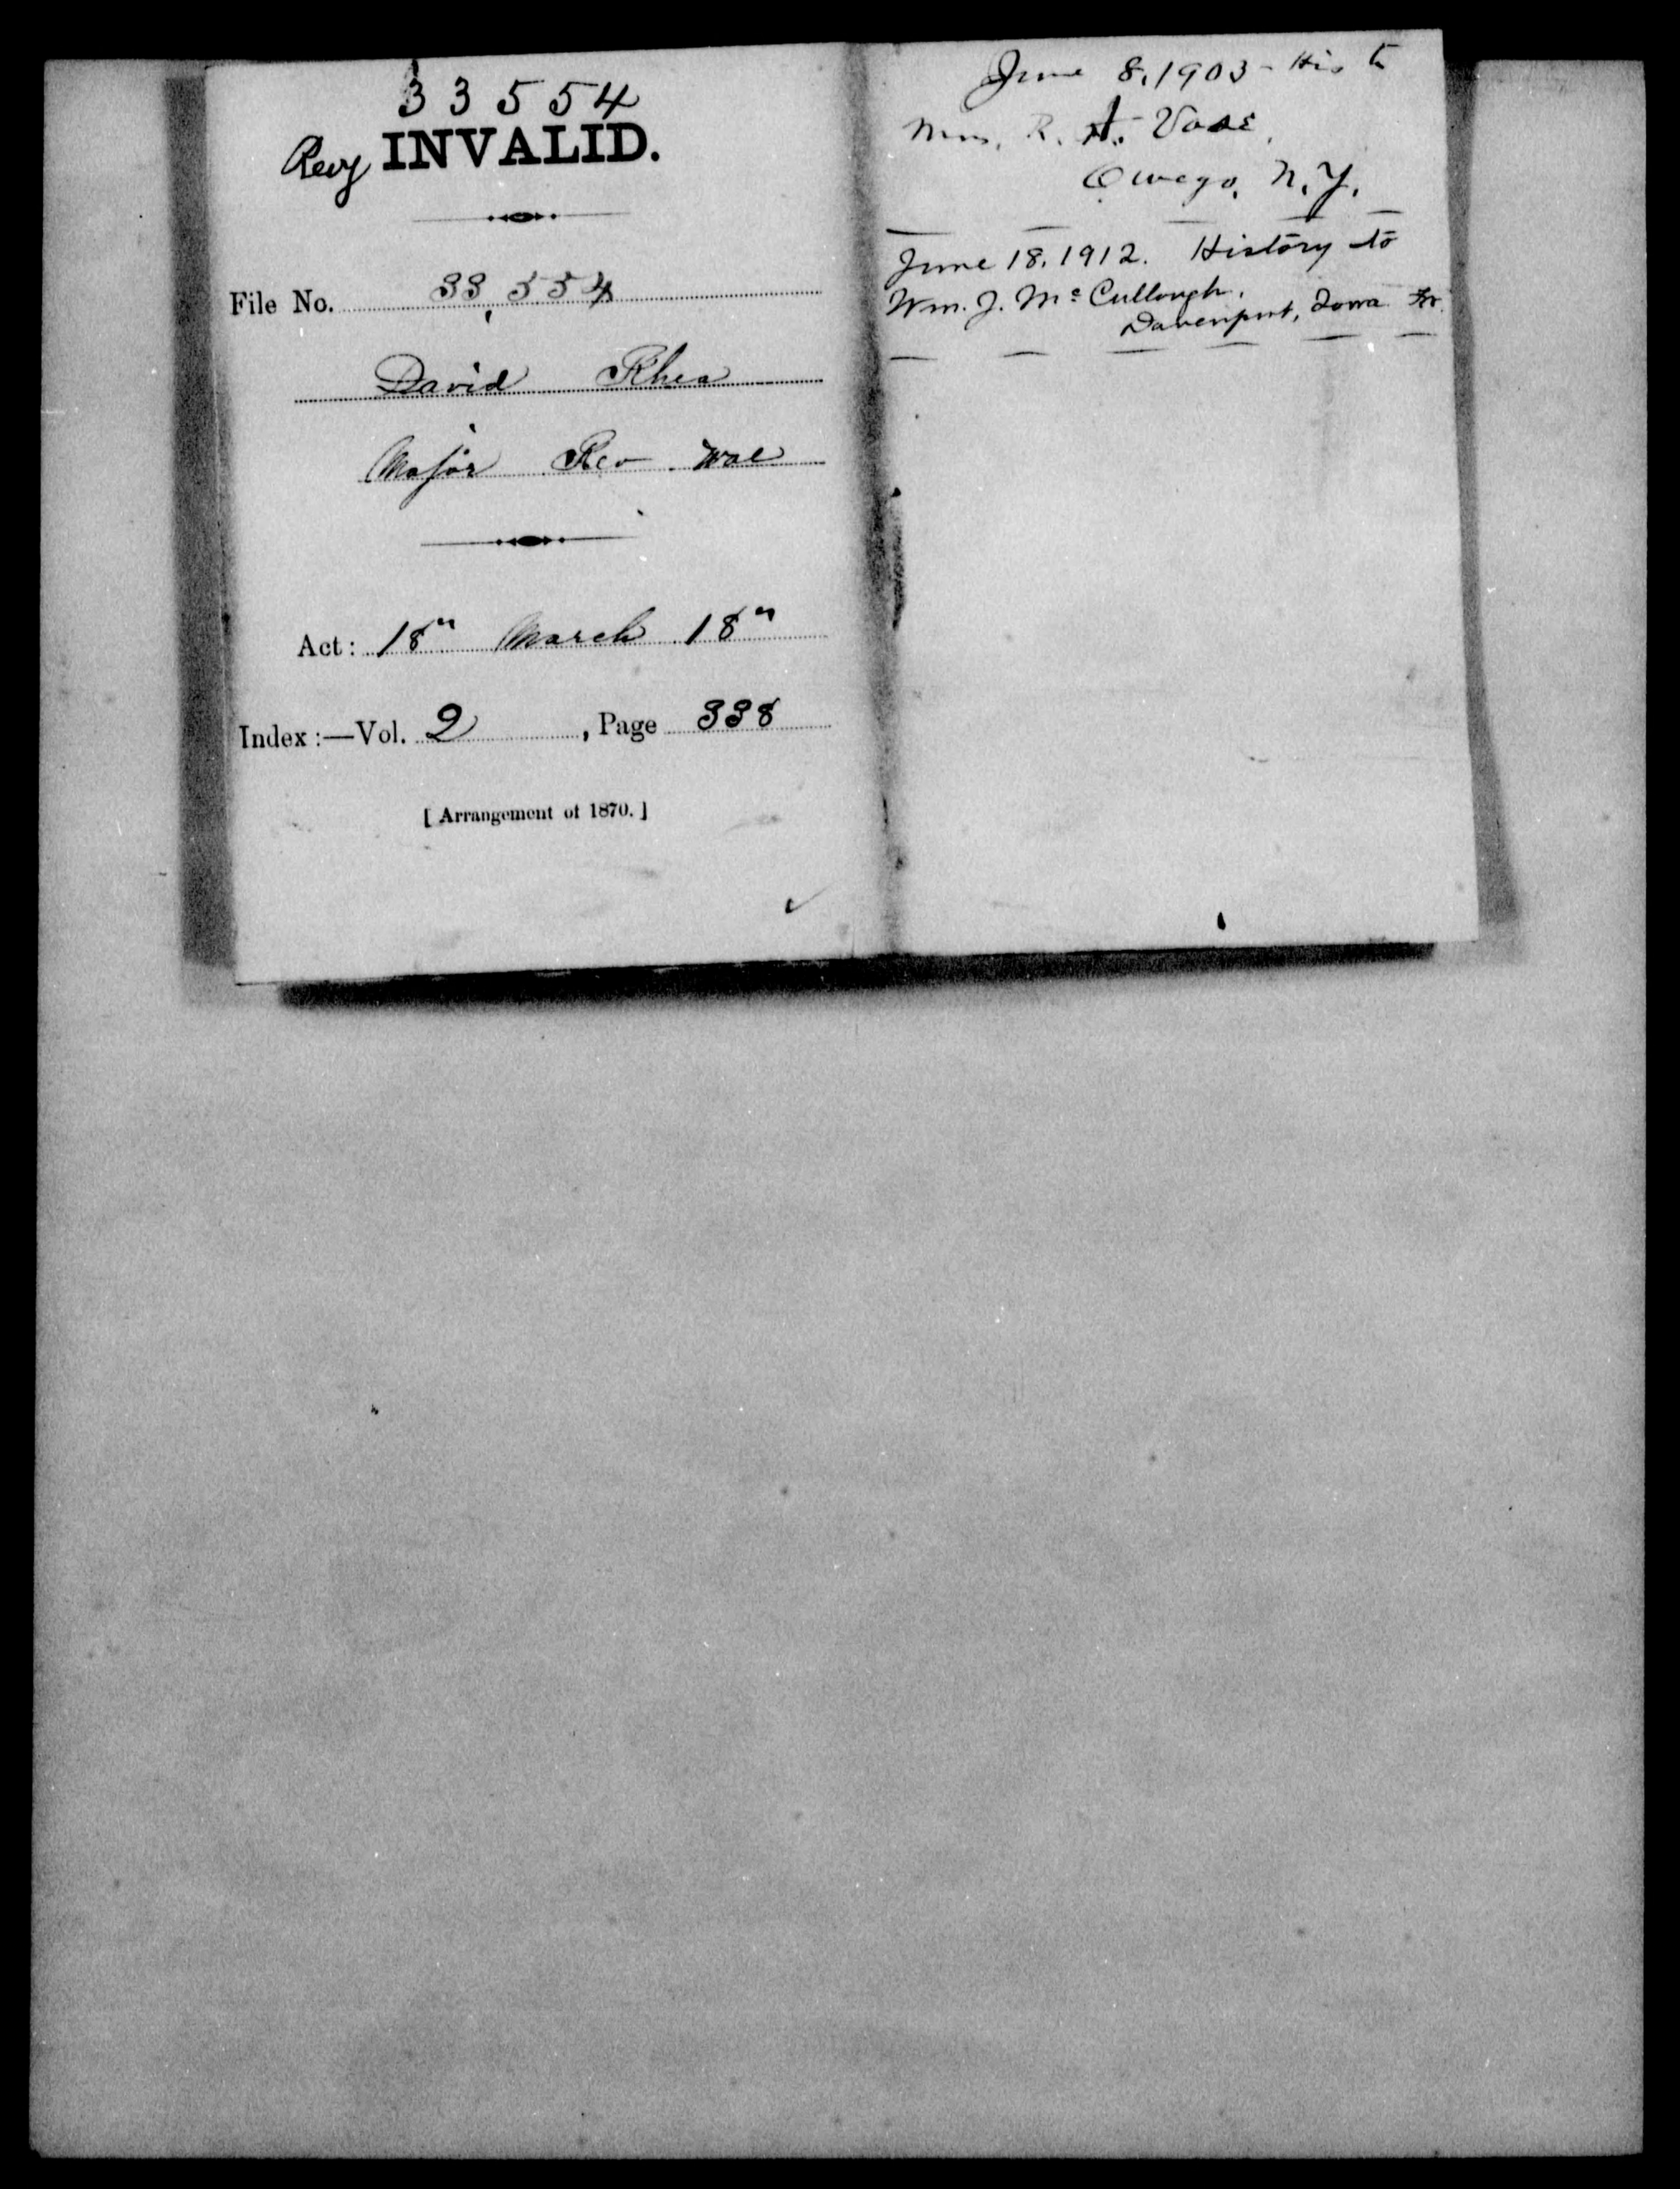33554
Revy INVALID.
File No. 33,554
David Rhea
Major Rev. War
Act: 18th March 18"
Index:-- Vol. 2, Page 338
[Arrangement of 1870.]

[right side]
June 8, 1903 - His to
Mrs. R. A. Vase
Owego, N. Y.
---
June 18, 1912. History to
Wm. J. McCullough,
Davenport, Iowa Fr.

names: Wm J Mc Cullough; R A Vose; David Rhea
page: 17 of 21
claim: survivor's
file: S. 33,554, for David Rhea, New Jersey